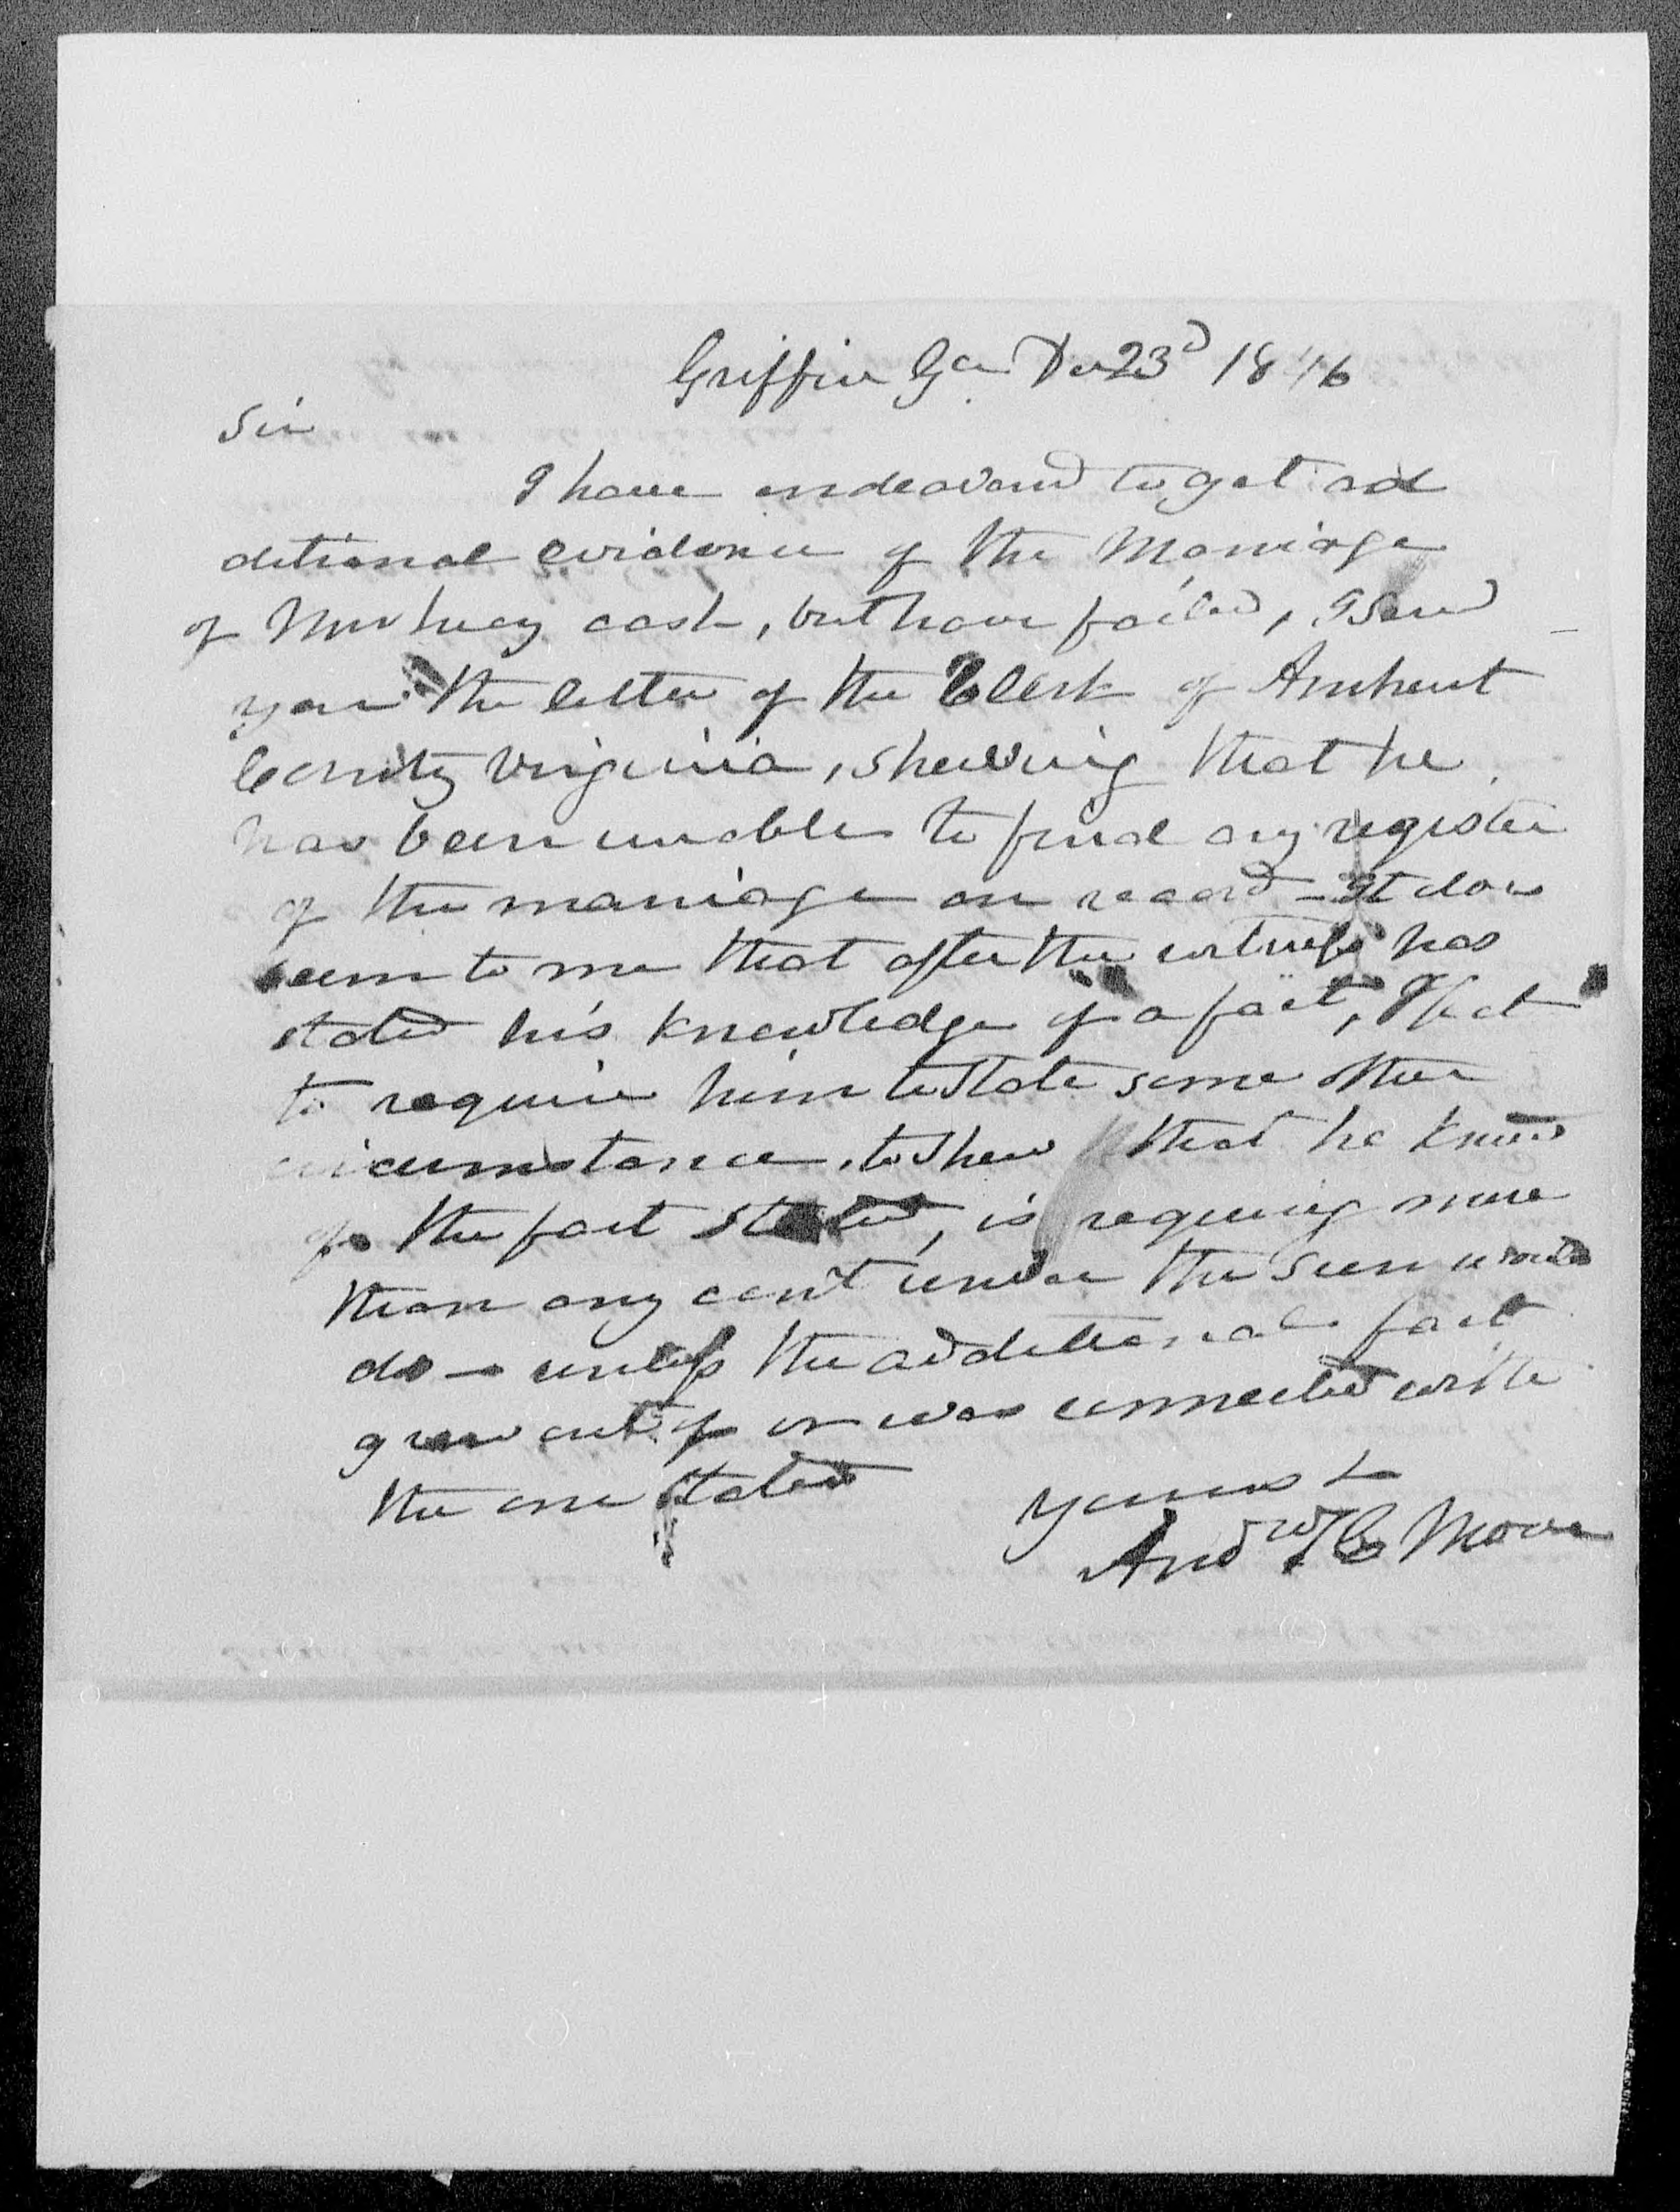Griffin Ga Dec. 23d 1846
I have endeavored to get additional
evidence of the Marriage
of Mrs. Lucy Cash, but have failed, and sent you the letter of the Clerk of Amherst County Virginia, shewing that he has been unable to find my register of the marriage on record-I does seem to me that after the witness has stated his knowledge of a fact, to require him to state some other circumstance, to shew that he knew of the fact, is requiring  more  than any can do unless the additional fact was connected with the one stated.
Yours,
Andrew Moore
And move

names: Andw H Moore, Lucy Cash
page: 57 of 73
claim: widow's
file: W. 5,894, John Cash, Va.